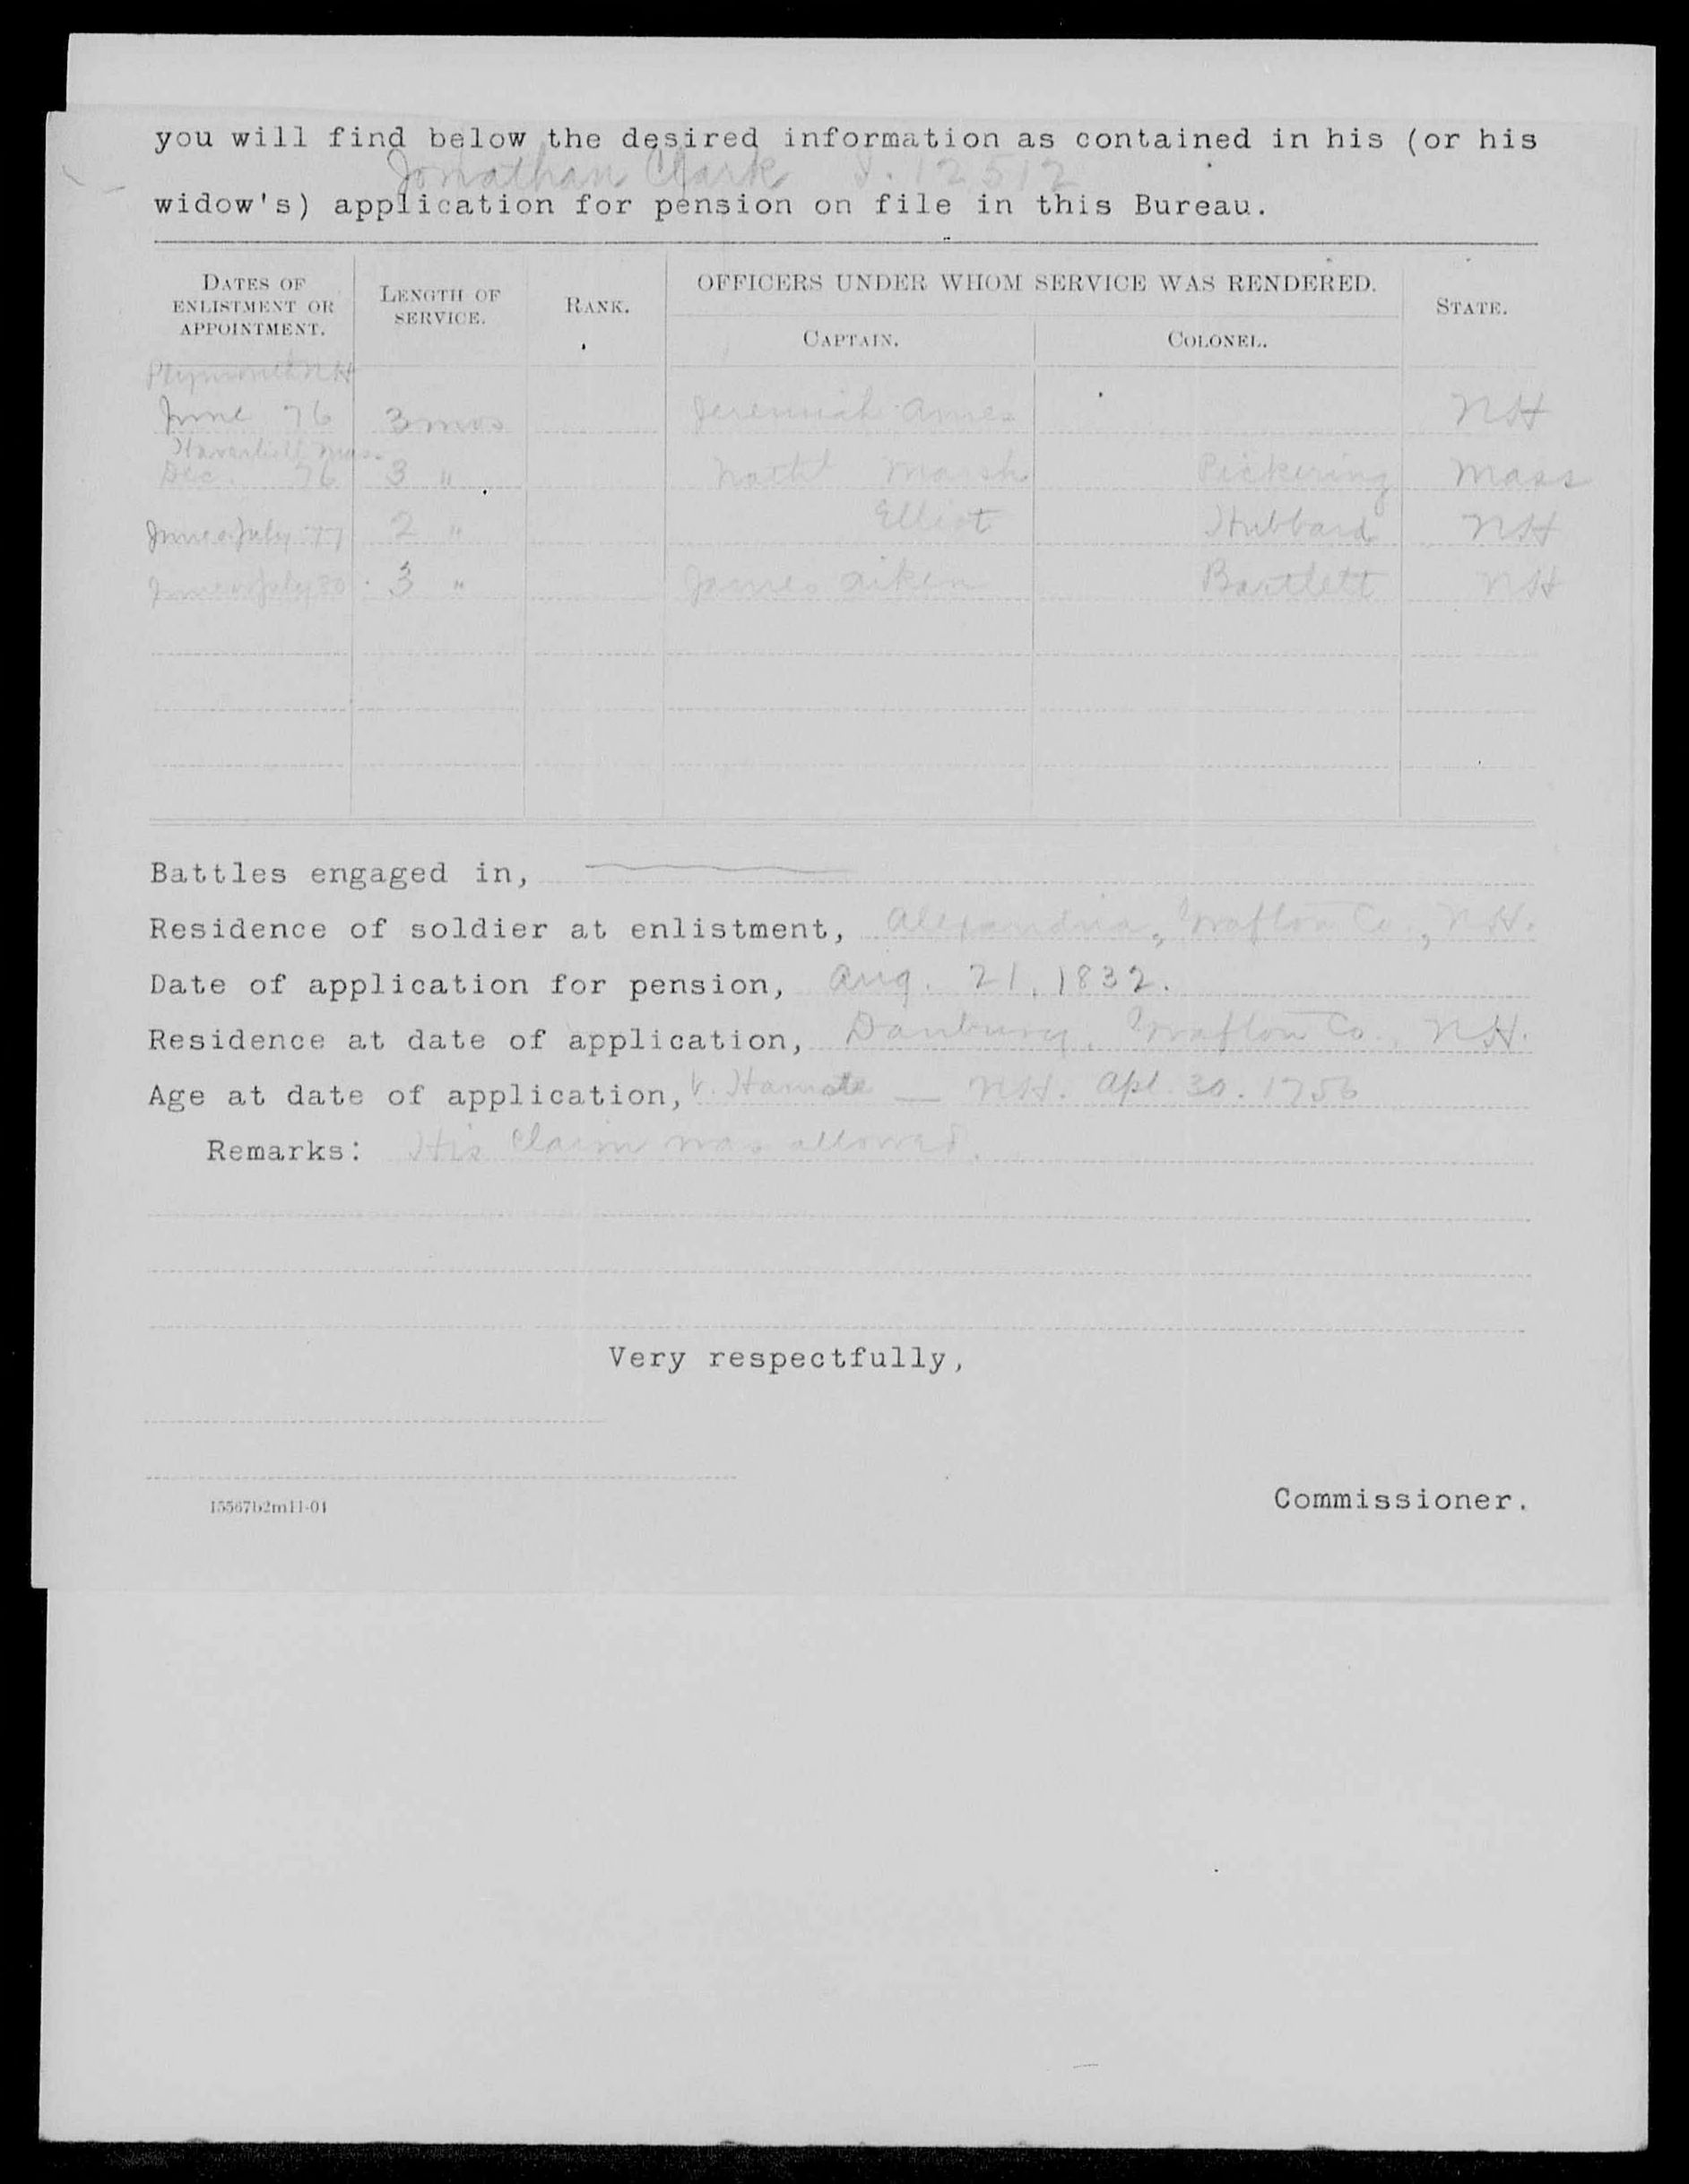you will find below the desired information as contained in his (or his
Jonathan Clark S12512
widow's) application for pension on file in this Bureau.

[Chart]
DATES OF
ENLISTMENT OR
APPOINTMENT.
Plymouth NH
June 76
Haverhill Mass
Dec 76
June or July 77
June or July 80

LENGTH OF
SERVICE.
as
3 mo
3 "
2 "
3 "

RANK.

OFFICERS UNDER WHOM SERVICE WAS RENDERED.
CAPTAIN.
Jeremiah Ames
Nathl Marsh
Elliot
James Aikin
-
COLONEL.
Pickering
Hibbard
Bartlett

STATE.
No
Mass
NH
NH

Battles engaged in,
Residence of soldier at enlistment, Alexandra, Grafton Co, NH.
Date of application for pension, Aug. 21, 1832.
Residence at date of application, Danbury Grafton Co. N.H.
Age at date of application, V Hamiste  NH apl 30 1756
N. A. D. 1856
Remarks: His claim was all

Very respectfully,
Commissioner,

1556762m11-01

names: Hubbard, Pickering, Jeremiah Cross, Josiah French, James Ziller, Elliott, Bartlett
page: 7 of 18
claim: survivor's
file: S. 12,512, Jonathan Clark, Mass. N.H.